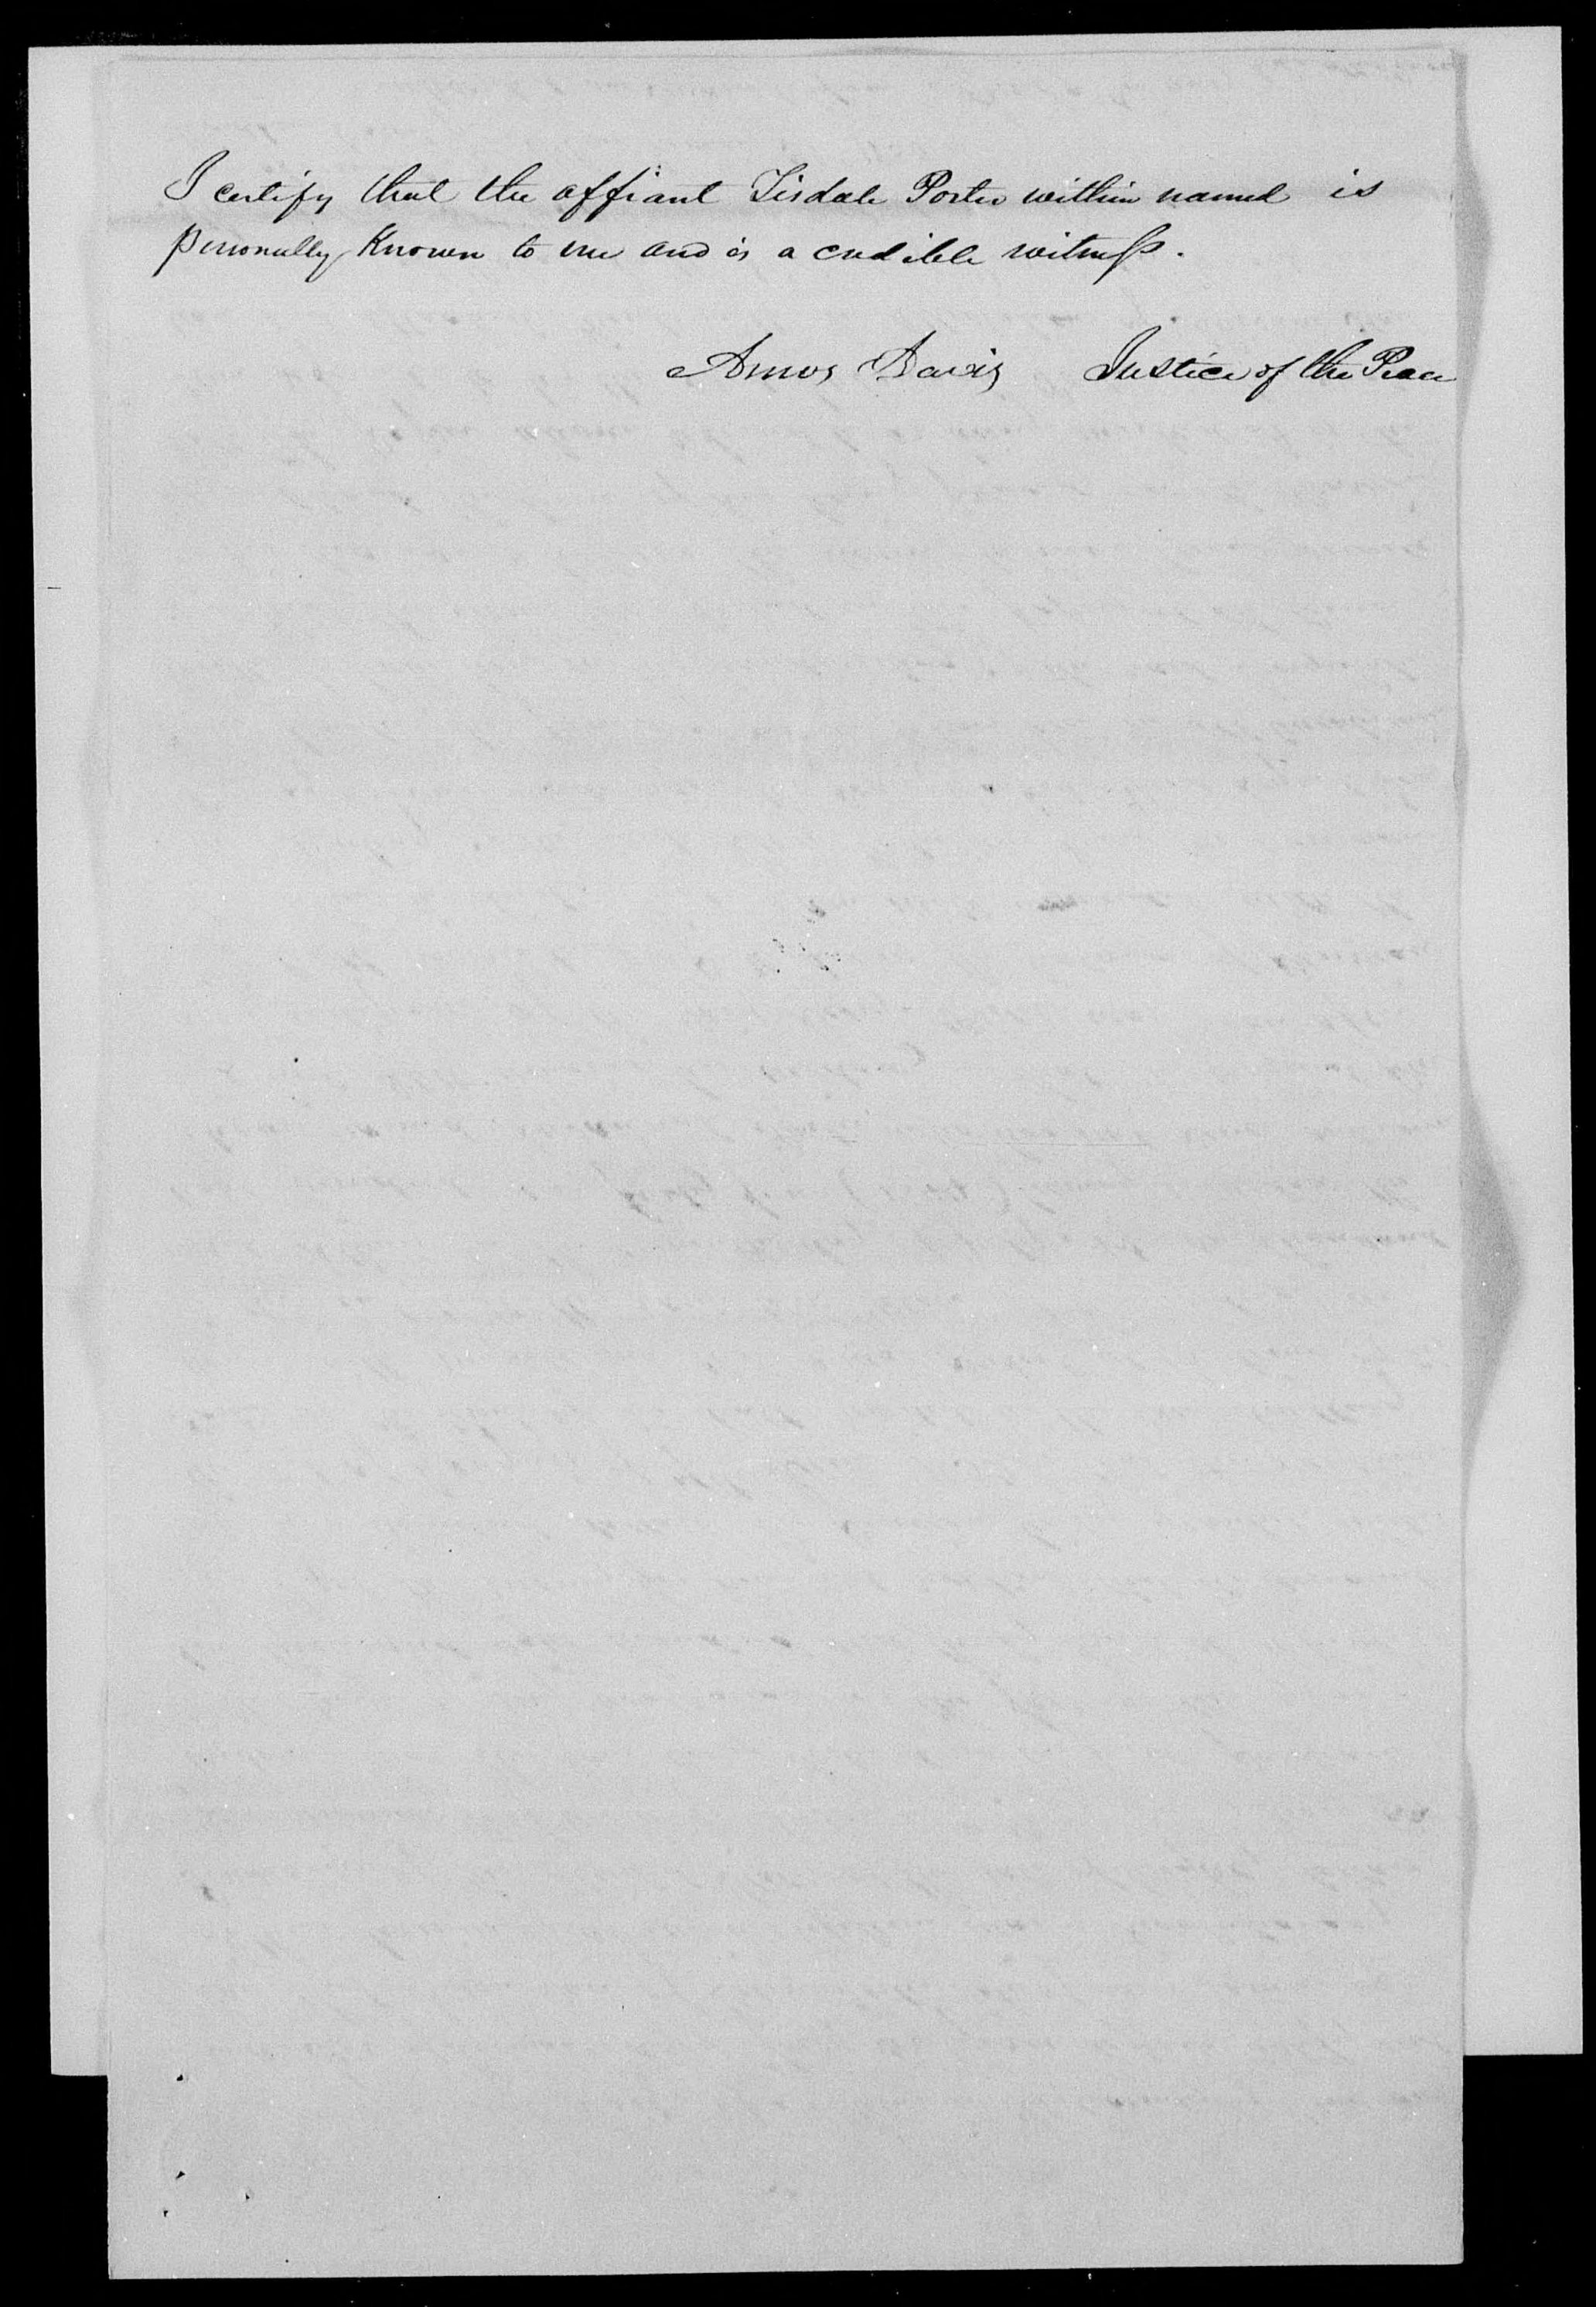I certify that the affiant Tisdale Porter withing named is personally known to me and is a credible witness.
Amos Davis Justice of the Peace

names: Tisdale Porter; Amos Davis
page: 16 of 49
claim: widow's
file: W. 2164, for George Porter, Massachusetts